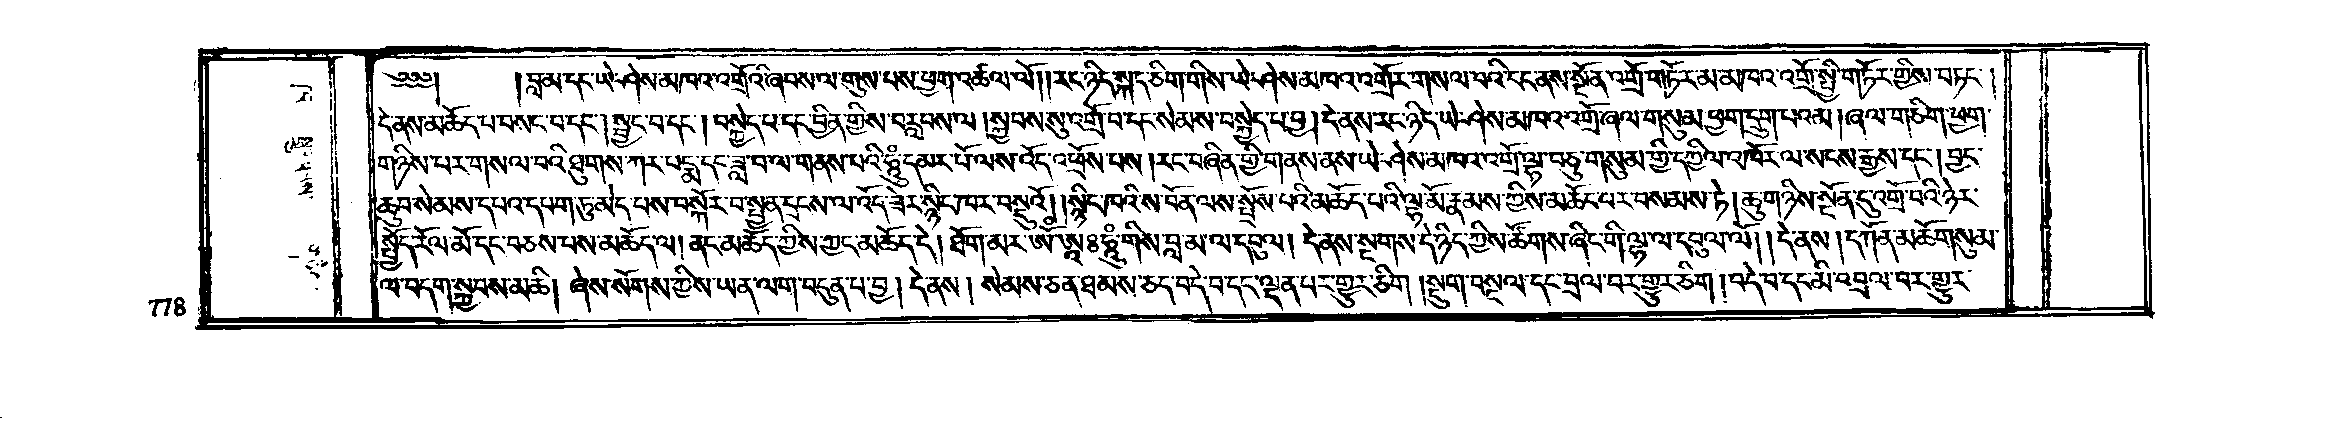༄༅༅། །བླ་མ་དང་ཡེ་ཤེས་མཁའ་འགྲོའི་ཞབས་ལ་གུས་པས་ཕྱག་འཚལ་ལོ། །རང་ཉིད་སྐད་ཅིག་གིས་ཡེ་ཤེས་མཁའ་འགྲོར་གསལ་བའི་ངང་ནས་སྔོན་འགྲོ་གཏོར་མ་མཁའ་འགྲོ་སྤྱི་གཏོར་གྱིས་བཏང་།
དེ་ནས་མཆོད་པ་བསང་བ་དང་། སྦྱང་བ་དང་། བསྐྱེད་པ་དང་བྱིན་གྱིས་བརླབས་ལ། སྐྱབས་སུ་འགྲོ་བ་དང་སེམས་བསྐྱེད་པ་བྱ། དེ་ནས་རང་ཉིད་ཡེ་ཤེས་མཁའ་འགྲོ་ཞལ་གསུམ་ཕྱག་དྲུག་པའམ། ཞལ་གཅིག་ཕྱག་
གཉིས་པར་གསལ་བའི་ཐུགས་ཀར་པདམ་དང་ཟླ་བ་ལ་གནས་པའི་ཧཱུཾ་དམར་པོ་ལས་འོད་འཕྲོས་པས། རང་བཞིན་གྱི་གནས་ནས་ཡེ་ཤེས་མཁའ་འགྲོ་ལྷ་བཅུ་གསུམ་གྱི་དཀྱིལ་འཁོར་ལ་སངས་རྒྱས་དང་། བྱང་
ཆུབ་སེམས་དཔའ་དཔག་ཏུ་མེད་པས་བསྐོར་བ་སྤྱན་དྲངས་ལ་འོད་ཟེར་སྙིང་ཁར་བསྡུའོ། །སྙིང་ཁའི་ས་བོན་ལས་སྤྲོས་པའི་མཆོད་པའི་ལྷ་མོ་རྣམས་ཀྱིས་མཆོད་པར་བསམས་ཏེ། ཆུ་གཉིས་སྔོན་དུ་འགྲོ་བའི་ཉེར་
སྤྱོད་རོལ་མོ་དང་བཅས་པས་མཆོད་ལ། ནང་མཆོད་ཀྱིས་ཀྱང་མཆོད་དེ། ཐོག་མར་ཨོཾ་ཨཱཿ ཧཱུཾ་གིས་བླ་མ་ལ་དབུལ། དེ་ནས་སྔགས་དེ་ཉིད་ཀྱིས་ཚོགས་ཞིང་གི་ལྷ་ལ་དབུལ་ལོ། །དེ་ནས། དཀོན་མཆོག་གསུམ་
ལ་བདག་སྐྱབས་མཆི། ཞེས་སོགས་ཀྱིས་ཡན་ལག་བདུན་པ་བྱ། དེ་ནས། སེམས་ཅན་ཐམས་ཅད་བདེ་བ་དང་ལྡན་པར་གྱུར་ཅིག །སྡུག་བསྔལ་དང་བྲལ་བར་གྱུར་ཅིག །བདེ་བ་དང་མི་འབྲལ་བར་གྱུར་